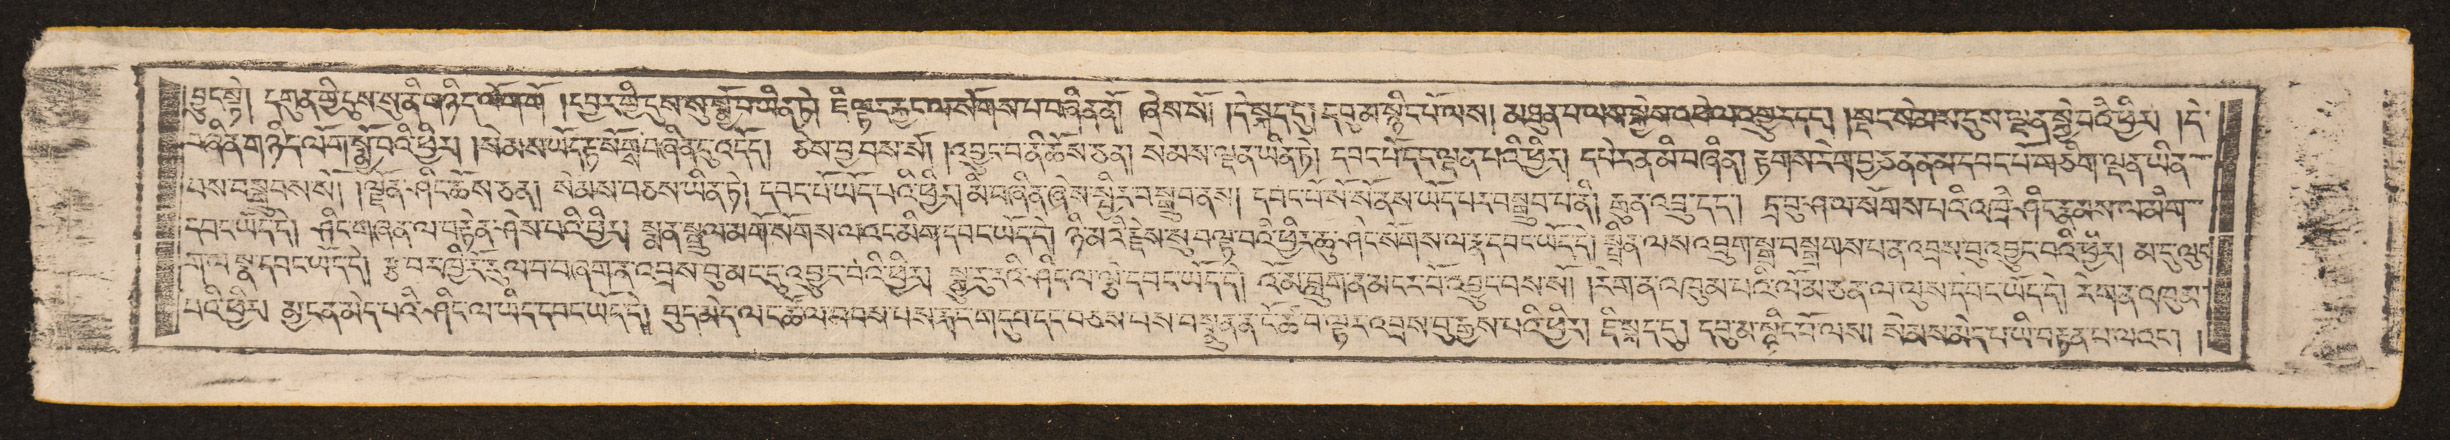བྱུང་སྟེ། དགུན་གྱི་དུས་སུ་ནི་གཉིད་ལོག་གོ །དབྱར་གྱི་དུས་སུ་སྨྱོབ་ཡིན་ཏེ། ཇི་ལྟར་རྐྱང་ལ་སོགས་པ་བཞིན་ནོ། ཞེས་སོ། །དེ་སྐད་དུ། དབུ་མ་སྙིང་པོ་ལས། མཐུན་པ་ལས་སྐྱེས་འཕེལ་འགྱུར་དང་། །སྡང་སེམས་དུས་ལྡན་སྐྱེ་བའི་ཕྱིར། །དེ་
བཞིན་གཉིད་ལག་སྨྱོ་བའི་ཕྱིར། །སེམས་ཡོད་རྟ་སོགས་བཞིན་དུ་འདོད། ཅེས་བྱ་བས་སོ། །འབྱུང་བ་ནི་ཆོས་ཅན། སེམས་ལྡན་ཡིན་ཏེ། དབང་པོ་དང་ལྡན་པའི་ཕྱིར། དཔེར་ན་མི་བཞིན། རྟགས་རེག་བྱ་ཅན་ནམ་དབང་པོ་གཅིག་ལྡན་ཡིན་
པས་བསྒྲུབས་སོ། །ལྗོན་ཤིང་ཆོས་ཅན། སེམས་བཅས་ཡིན་ཏེ། དབང་པོ་ཡོད་པའི་ཕྱིར། མི་བཞིན་ཞེས་སྤྱིར་བསྒྲུབ་ནས། དབང་པོ་སོ་སོ་ནས་ཡོད་པར་བསྒྲུབ་པ་ནི། རྒུན་འབྲུ་དང་། དྲ་བུ་ཤལ་སོགས་པའི་འཁྲི་ཤིང་རྣམས་ལ་མིག་
དབང་ཡོད་དེ། ཤིང་གཞན་ལ་བརྟེན་ཤེས་པའི་ཕྱིར། སྨན་སྦྲུལ་མགོ་སོགས་ལའང་མིག་དབང་ཡོད་དེ། ཉི་མའི་རྗེས་སུ་བལྟ་བའི་ཕྱིར་ཆུ་ཤིང་སོགས་ལ་རྣ་དབང་ཡོད་དེ། སྦྲིན་ལས་འབྲུག་སྒྲ་བསྒྲགས་པ་ན་འབྲས་བུ་འབྱུང་བའི་ཕྱིར། མདུ་ལུང་?
གལ་སྣ་དབང་ཡོད་དེ། རྩ་བར་ཁྱི་རོ་རུལ་བ་བཞག་ན་འབྲས་བུ་མང་དུ་འབྱུང་བའི་ཕྱིར། སྐྱུ་རུ་རའི་ཤིང་ལ་ལྕེ་དབང་ཡོད་དེ། འོ་མ་བླུག་ན་མངར་བོ་འབྱུང་པས་སོ། །རེག་ན་འཁུམ་པའི་ལོ་མ་ཅན་ལ་ལུས་དབང་ཡོད་དེ། རེག་ན་འཁུམ་
པའི་ཕྱིར། མྱ་ངན་མེད་པའི་ཤིང་ལ་ཡིད་དབང་ཡོད་དེ། བུད་མེད་ལང་ཚོལ་བབས་པས་རྐང་གདུབ་དང་བཅས་པས་བསྣུན་ན་ངོ་ཚ་བ་ལྟར་འབྲས་བུ་རྒྱས་པའི་ཕྱིར། ཇི་སྐད་དུ། དབུ་མ་སྙིང་པོ་ལས། སེམས་མེད་པ་ཡི་བརྟན་པ་ལའང་། །